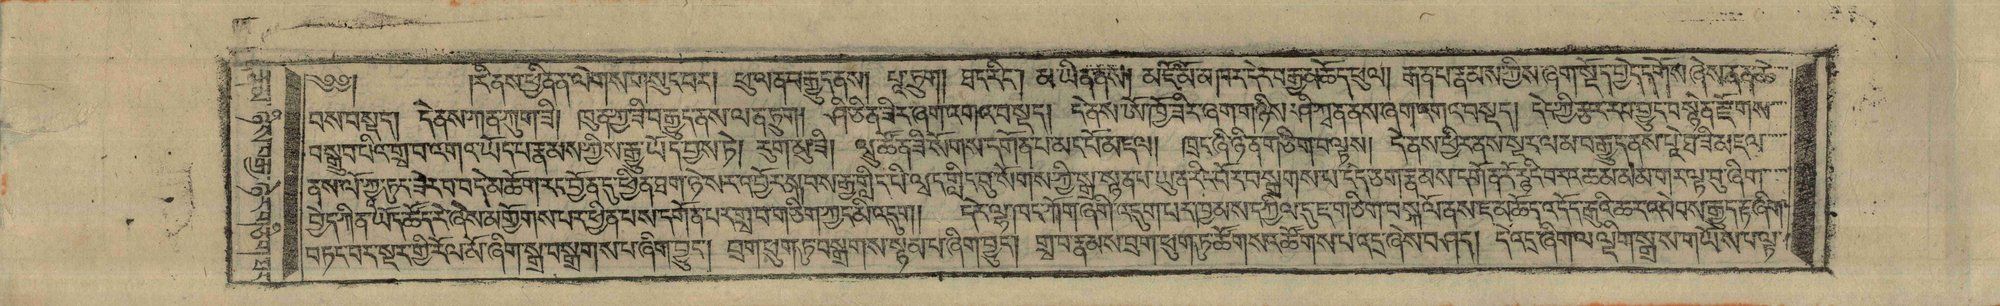༄༅། །རི་ནས་ཕྱིན་ན་ལེགས་གསུང་པར། ཕུལ་ན་བརྒྱུད་ནས། པཱ་ཏྲུག །ཐང་རིང་། མ་ཡིན་ནས། མཛོ་མོ་མཁར་དེར་བརྒྱ་མཆོད་ཕུལ། རྒན་པ་རྣམས་ཀྱིས་ཞག་སྡོད་བྱེད་དགོས་ཞེས་ནན་ཆེ་
བས་བསྡད། དེ་ནས་ཀན་ཀུག་ཟི། ཁུན་ཀྱ་ཟི་བརྒྱུད་ནས་ལན་ཏྲུག །ཤི་ཅིན་ཟིར་ཞག་འགའ་བསྡད། དེ་ནས་ཨོ་ཁྱོ་ཟིར་ཞག་གཉིས་ཤི་ཀྭན་ནས་ཞག་འགའ་བསྡད། དེང་ཀྱི་རྩར་རབ་བྱུང་བསྙེན་རྫོགས་
བསྒྲུབ་པའི་གྲྭ་བ་འགའ་ཡོད་པ་རྣམས་ཀྱིས་རྒྱུ་ཡོད་བྱས་ཏེ། རུག་མུ་ཟི། ལྭུ་ཚོན་ཟི་སོགས་དགོན་པ་མང་པོ་མཇལ། ཁྲང་ཞི་ཉིན་གཅིག་བལྟས། དེ་ནས་ཕྱིར་ནས་སྔར་ལམ་བརྒྱུད་ནས་པE་ཐ་ཟི་མཇལ་
ནས་ལོ་ཀྱཱ་ཏུང་ཟེར་བ་བདེ་མཆོག་རང་བྱོན་དུ་ཕྱིན་ཐག་ཉེ་སར་འབྱོར་སྐབས་རྒྱ་གླིང་པོ་ཝང་གླིང་བུ་སོགས་ཀྱི་སྒྲ་སྙན་པ་ཡུན་རིང་པོར་བསྒྲགས་པ་ངེད་ཅག་རྣམས་དགོན་རོ་རྙིང་བར་འཆམ་མམ་གར་ལྟ་བུ་ཞིག་
བྱེད་ཀིན་ཡོད་ཚོད་རེ་ཞེས་མགྱོགས་པར་ཕྱིན་པས་དགོན་པར་གྲྭ་བ་གཅིག་ཀྱང་མི་འདུག །དེར་ལྷ་ཁང་ཀོག་ཞིག་འདུག་པར་ཁྱམས་དཀྱིལ་དུ་ཇ་གཅིག་བསྐོལ་ནས་ཇ་མཆོད་འདོད་རྒུའི་ཆར་འབེབས་རྒྱུད་རྟ་ཞིག་
བཏང་བར་སྔར་གྱི་རོལ་མོ་ཞིག་སྒྲ་བསྒྲགས་པ་ཞིག་བྱུང་། བྲག་ཕུག་ཏུ་བསྒྲགས་སྙམ་པ་ཞིག་བྱུང་། གྲྭ་བ་རྣམས་བྲག་ཕུག་ཏུ་ཚོགས་འཚོགས་པ་འདྲ་ཞེས་བཤད། དེ་འདྲ་ཞིག་ལ་ལྡིག་སྒྲ་ས་གཡོས་པ་ལྟ་